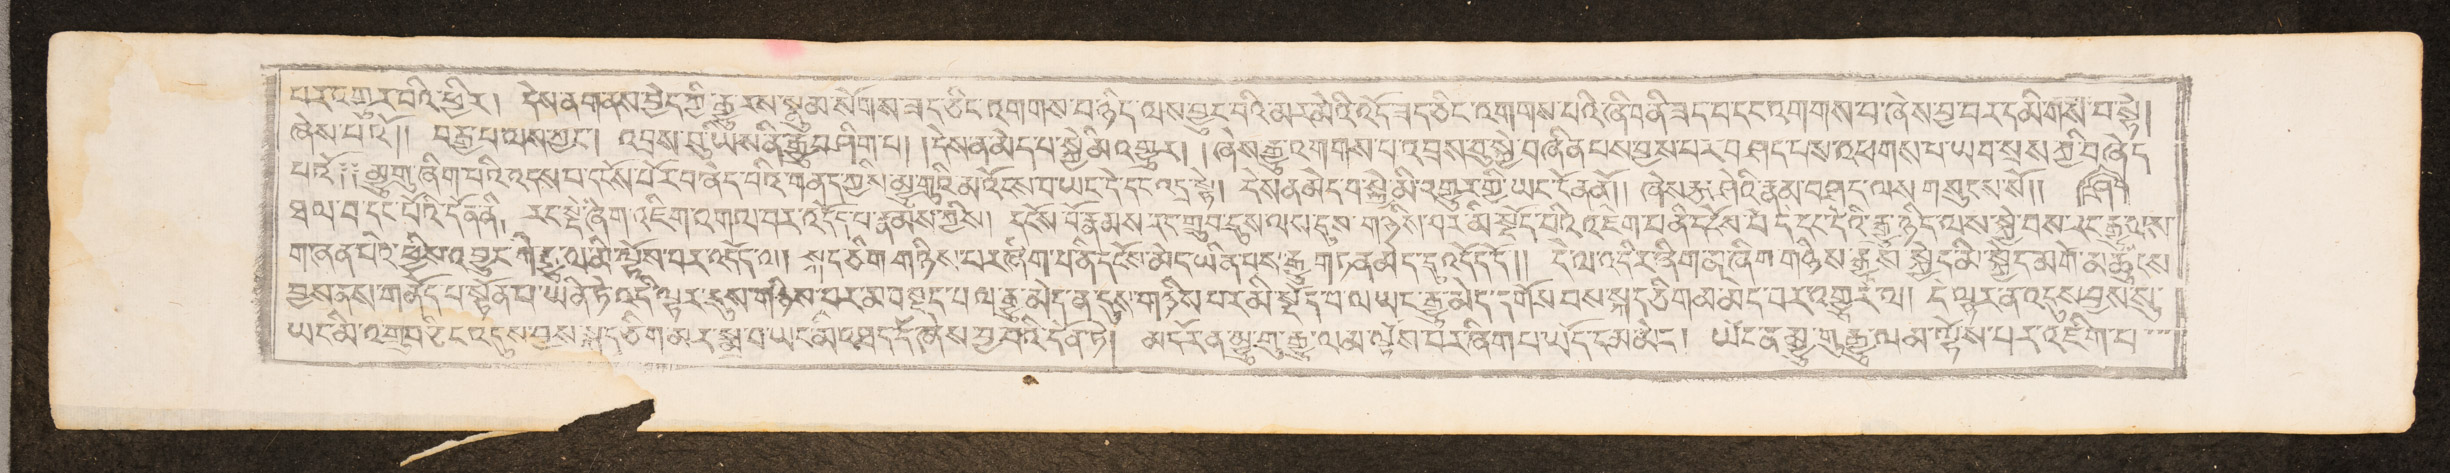པར་འགྱུར་བའི་ཕྱིར། དེས་ན་གནས་བྱེད་ཀྱི་རྒྱུ་རས་སྣུམ་སོགས་ཟད་ཅིང་འགགས་པ་ཉིད་ལས་བྱུང་བའི་མར་མེའི་འོད་ཟད་ཅིང་འགགས་པའི་ཞི་བ་ནི་ཟད་པ་དང་འགགས་པ་ཞེས་བྱ་བར་དམིགས་པ་སྟེ།
ཞེས་པའོ། །བརྒྱ་པ་ལས་ཀྱང་། འབྲས་བུ་ཡིས་ནི་རྒྱུ་བཤིག་པ། །དེས་ན་མེད་པ་སྐྱེ་མི་འགྱུར། །ཞེས་རྒྱུ་འགགས་པ་འབྲས་བུ་སྐྱེ་བཞིན་པས་བྱས་པར་བཤད་པས་འཕགས་པ་ཡབ་སྲས་ཀྱི་བཞེད་
པའོ༑ ༑མྱུ་གུ་ཞིག་པའི་འདས་པ་དངོས་པོར་བཞེད་པའི་གནད་ཀྱིས་མྱུ་གུའི་མ་འོངས་པ་ཡང་དེ་དང་འདྲ་སྟེ། དེས་ན་མེད་པ་སྐྱེ་མི་འགྱུར་གྱི་ཡང་དོན་ནོ། །ཞེས་རྩ་ཤེའི་རྣམ་བཤད་ལས་གསུངས་སོ།། ༼༽ཤ༼༽
ཐལ་བ་དང་པོའི་དོན་ནི། རང་སྡེ་ཞིག་འཇིག་འགལ་བར་འདོད་པ་རྣམས་ཀྱིས། དངོས་པོ་རྣམས་རང་གྲུབ་དུས་ལས་དུས་གཉིས་བར་མི་སྡོད་པའི་འཇིག་པ་ནི་དངོས་པོ་དེ་དང་དེའི་རྒྱུ་ཉིད་ལས་སྐྱེ་བས་རང་རྒྱུ་ལས་
གཞན་པའི་ཕྱིས་འབྱུང་གི་རྒྱུ་ལ་མི་ལྟོས་པར་འདོད་ལ། སྐད་ཅིག་གཉིས་པར་ཞིག་པ་ནི་དངོས་མེད་ཡིན་པས་རྒྱུ་གཏན་མེད་དུ་འདོད་དོ། །དེ་ལ་འདིར་ཞིག་ན་ཞིག་གཉིས་རྒྱུས་སྐྱེད་མི་སྐྱེད་མགོ་མཚུངས་
བྱས་ནས་གནོད་པ་སྟོན་པ་ཡིན་ཏེ་འདི་ལྟར་དུས་གཉིས་པར་མ་བསྡད་པ་ལ་རྒྱུ་མེད་ན་དུས་གཉིས་པར་མི་སྡོད་པ་ལ་ཡང་རྒྱུ་མེད་དགོས་པས་སྐད་ཅིག་མ་མེད་པར་འགྱུར་ལ། དེ་ལྟར་ན་འདུས་བྱས་སུ་
ཡང་མི་འགྲུབ་ཅིང་འདུས་བྱས་སྐད་ཅིག་མར་སྨྲ་བ་ཡང་མི་འཐད་དོ་ཞེས་བྱ་བའི་དོན་ཏོ། མདོར་ན་མྱུ་གུ་རྒྱུ་ལ་མ་ལྟོས་པར་ཞིག་པ་ཡོད་དམ་མེད། ཡོད་ན་མྱུ་གུ་རྒྱུ་ལ་མ་ལྟོས་པར་འཇིག་པ་